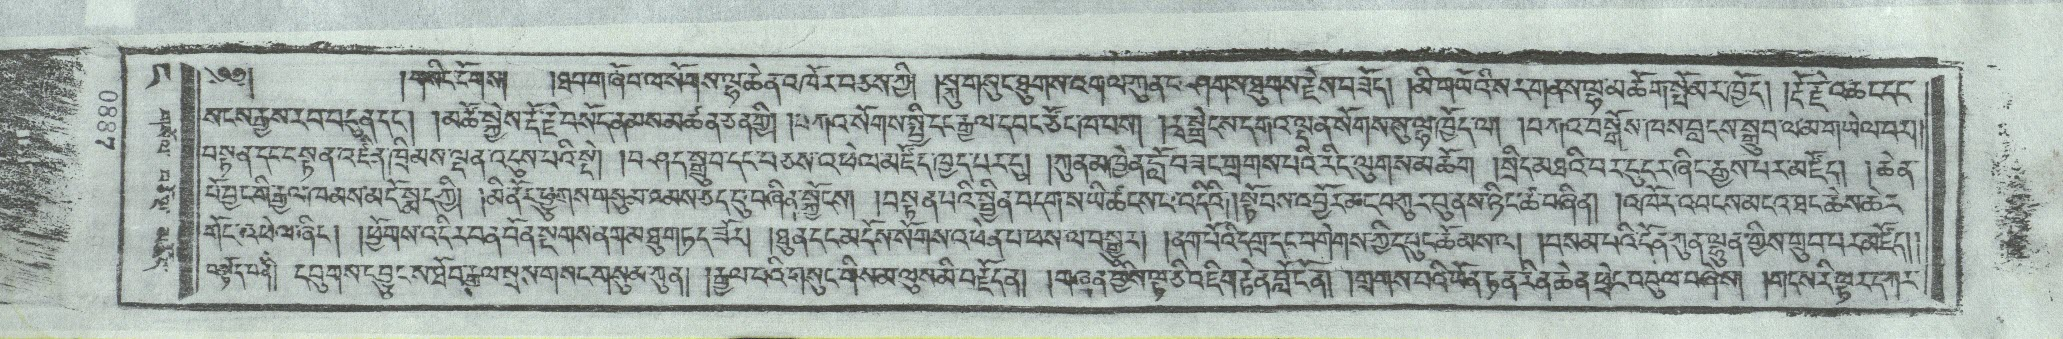༄༅། །གསིང་རོགས། །ཐབ་གཞོབ་ལ་སོགས་ལྷ་ཆེན་འཁོར་བཅས་ཀྱི། །སྐུ་གསུང་ཐུགས་འགལ་ཀུན་བཤགས་ཐུགས་རྗེས་བཟོད། །མི་གཡོའི་སར་གནས་ལྷ་མཆོག་སྤོམ་ར་ཁྱོད། །རྡོ་རྗེ་འཆང་དང་
སངས་རྒྱས་རབ་བདུན་དང་། །མཚོ་སྐྱེས་རྡོ་རྗེ་བསོད་ནམས་མཚན་ཅན་གྱི། །བཀའ་སོགས་སྤྱི་དང་རྒྱལ་དབང་ཙོང་ཁ་པས། །རྭ་སྒྲེངས་དགའ་ལྡན་སོགས་སུ་ལྷ་ཁྱོད་ལ། །བཀའ་བསྒོས་ཁས་བླངས་སྒྲུབ་ལམ་གཡེལ་བར།།
བསྟན་དང་བསྟན་འཛིན་ཁྲིམས་ལྡན་འདུས་པའི་སྡེ། །བཤད་སྒྲུབ་དང་བཅས་འཕེལ་མཛོད་ཁྱད་པར་དུ། །ཀུན་མཁྱེན་བློ་བཟང་གྲགས་པའི་རིང་ལུགས་མཆོག །སྲིད་མཐའི་བར་དུ་དར་ཞིང་རྒྱས་པར་མཛོད། །ཆེན་
པོ་བྱང་གི་རྒྱལ་ཁམས་མདོ་སྨད་ཀྱི། །མི་ནོར་ཕྱུགས་གསུམ་ཐམས་ཅད་བུ་བཞིན་སྐྱོངས། །བསྟན་པའི་སྦྱིན་བདག་ས་ཡི་ཚངས་པ་འདིའི། །སྟོབས་འབྱོར་མང་བཀུར་བུ་ནས་ཉིང་ཚ་བཞིན། །འཁོར་འབངས་མངའ་ཐང་ཆེས་ཆེར་
གོང་འཕེལ་ཞིང་། །ཕྱོགས་འདིར་བན་བོན་སྔགས་ནག་མཐུ་གཏད་ཟོར། །ཐུན་ངང་མདོས་སོགས་འཕེན་པ་ཕས་ལ་བསྒྱུར། །ནག་པོའི་དགྲ་དང་བགེགས་ཀྱི་དཔུང་ཆོམས་ལ། །བསམ་པའི་དོན་ཀུན་ལྷུན་གྱིས་གྲུབ་པར་མཛོད། །
བསྟོད་བ་ནི། དབུགས་དབྱུངས་ཐོབ་རྒྱལ་སྲས་གསང་གསུམ་ཀུན། །རྒྱལ་བའི་གསུང་གིས་མ་ལུས་མི་བརྗོད་ན། །གཞན་གྱིས་ལྟ་ཅི་འཇིག་རྟེན་བློ་ངོན། །གྲགས་པའི་ཡོན་ཏན་རིན་ཆེན་ཕྲེང་འབུལ་བཞེས། །གངས་རི་ལྟར་དཀར་